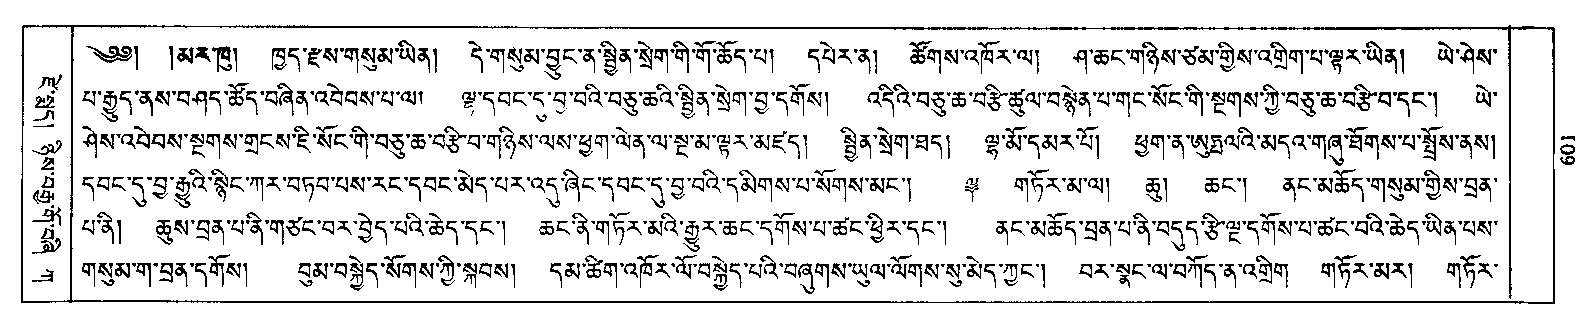༄༅། །མར་ཁུ། ཁྱད་རྫས་གསུམ་ཡིན། དེ་གསུམ་བྱུང་ན་སྦྱིན་སྲེག་གི་གོ་ཆོད་པ། དཔེར་ན། ཚོགས་འཁོར་ལ། ཤ་ཆང་གཉིས་ཙམ་གྱིས་འགྲིག་པ་ལྟར་ཡིན། ཡེ་ཤེས་
པ་རྒྱུད་ནས་བཤད་ཚོད་བཞིན་འབེབས་པ་ལ། ལྷ་དབང་དུ་བྱ་བའི་བཅུ་ཆའི་སྦྱིན་སྲེག་བྱ་དགོས། འདིའི་བཅུ་ཆ་བརྩི་ཚུལ་བསྙེན་པ་གང་སོང་གི་སྔགས་ཀྱི་བཅུ་ཆ་བརྩི་བ་དང་། ཡེ་
ཤེས་འབེབས་སྔགས་གྲངས་ཇི་སོང་གི་བཅུ་ཆ་བརྩི་བ་གཉིས་ལས་ཕྱག་ལེན་ལ་སྔ་མ་ལྟར་མཛད། སྦྱིན་སྲེག་ཐད། ལྷ་མོ་དམར་པོ། ཕྱག་ན་ཨུཏྤ་ལའི་མདའ་གཞུ་ཐོགས་པ་སྤྲོས་ནས།
དབང་དུ་བྱ་རྒྱུའི་སྙིང་ཀར་བཏབ་པས་རང་དབང་མེད་པར་འདུ་ཞིང་དབང་དུ་བྱ་བའི་དམིགས་པ་སོགས་མང་། ༈ གཏོར་མ་ལ། ཆུ། ཆང་། ནང་མཆོད་གསུམ་གྱིས་བྲན་
པ་ནི། ཆུས་བྲན་པ་ནི་གཙང་བར་བྱེད་པའི་ཆེད་དང་། ཆང་ནི་གཏོར་མའི་རྒྱུར་ཆང་དགོས་པ་ཚང་ཕྱིར་དང་། ནང་མཆོད་བྲན་པ་ནི་བདུད་རྩི་ལྔ་དགོས་པ་ཚང་བའི་ཆེད་ཡིན་པས་
གསུམ་ག་བྲན་དགོས། བུམ་བསྐྱེད་སོགས་ཀྱི་སྐབས། དམ་ཚིག་འཁོར་ལོ་བསྐྱེད་པའི་བཞུགས་ཡུལ་ལོགས་སུ་མེད་ཀྱང་། བར་སྣང་ལ་བཀོད་ན་འགྲིག་གཏོར་མར། གཏོར་